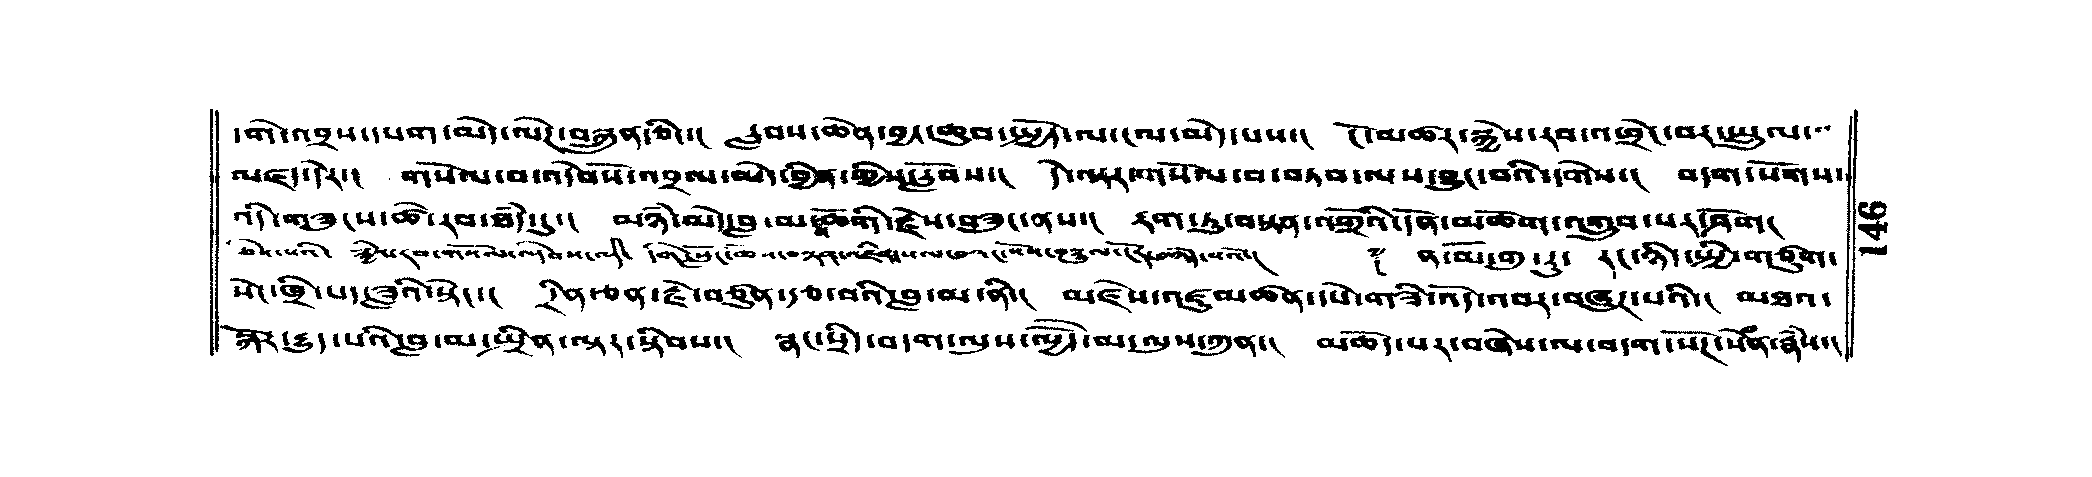དགེ་འབྲས་དཔག་མེད་ལེགས་བསྐྲུན་ཅིང་། །རླབས་ཆེན་བྱང་ཆུབ་སྤྱོད་ལ་ངལ་མེད་པས། །ངོ་མཚར་སྐྱེས་རབས་འཕྲེང་བར་སྤྲུལ་
མཛད་དེར། །གསོལ་བ་འདེབས་སོ་འབྲལ་མེད་བྱིན་གྱིས་རློབས། །དེ་ལྟར་གསོལ་བ་བཏབ་ལས་བྱུང་བའི་དགེས། །བདག་སོགས་
འདི་གཟུང་ཚེ་རབ་ཐམས་ཅད་དུ། །མཉམ་མེད་བླ་མ་མཆོག་གི་རྗེས་བཟུང་ནས། །རྟག་ཏུ་བསྟན་འགྲོའི་དོན་མཆོག་འགྲུབ་པར་ཤོག 
ཅེས་པའི་སྐྱེས་རབས་གསོལ་འདེབས་འདི། དགེ་སློང་ཆོས་བསྟན་འཛིན་དཔལ་བཟང་པོས་བསྐུལ་ངོར་བཀོད་པའོ།། ༈ ན་མོ་གུ་རུ། རང་ཉིད་སྤྱི་གཙུག་
སེང་ཁྲི་པད་ཟླའི་སྟེང་། །དྲིན་ཅན་རྗེ་བཙུན་རྩ་བའི་བླ་མ་ནི། །མཛེས་འཛུམ་མཚན་དཔེ་གཟི་འོད་འབར་བཞུགས་པའི། །མཐའ་
སྐོར་རྒྱུད་པའི་བླ་མ་སྤྲིན་ལྟར་སྟིབས། །སྣང་སྲིད་བདག་ལུས་ལོངས་སྤྱོད་མ་ལུས་ཀུན། །མཆོད་པར་བཞེས་ལ་བདག་སོགས་སེམས་ཅན་རྣམས།